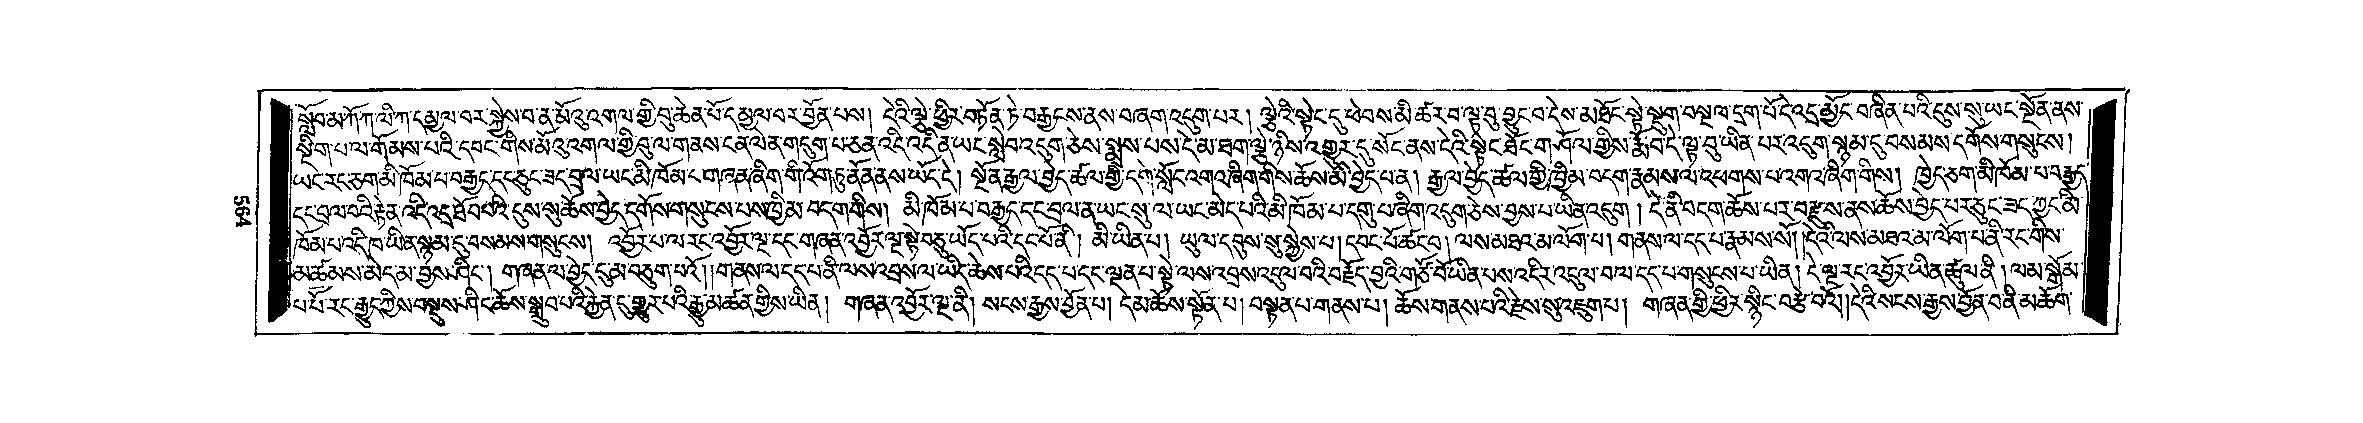སློབ་མ་ཀོ་ཀ་ལི་ཀ་དམྱལ་བར་སྐྱེས་བ་ན་མོའུ་འགལ་གྱི་བུ་ཆེན་པོ་དམྱལ་བར་བྱོན་པས། དེའི་ལྕེ་ཕྱིར་བཏོན་ཏེ་བརྒྱངས་ནས་བཞག་འདུག་པར། ལྕེའི་སྟེང་དུ་ཕེབས་མི་ཚར་བ་ལྟ་བུ་བྱུང་བ་དེས་མཐོང་སྟེ་སྡུག་བསྔལ་དྲག་པོ་དེ་འདྲ་མྱོང་བཞིན་པའི་དུས་སུ་ཡང་སྔོན་ནས་
སྡིག་པ་ལ་གོམས་པའི་དབང་གིས་མོའུ་འགལ་གྱི་བུ་ལ་གནས་ངན་ལེན་གདུག་པ་ཅན་འདི་འདི་ན་ཡང་སླེབ་འདུག་ཅེས་སྨྲས་པས་དེ་མ་ཐག་ལྕེ་ཉིས་འགྱུར་དུ་སོང་ནས་དེའི་སྟེང་ཐོང་གཤོལ་གྱིས་རྨོ་བ་དེ་ལྟ་བུ་ཡིན་པར་འདུག་སྙམ་དུ་བསམས་དགོས་གསུངས།
ཡང་རང་ཅག་མི་ཁོམ་པ་བརྒྱད་དང་ཅུང་ཟད་བྲལ་ཡང་མི་ཁོམ་པ་གཞན་ཞིག་གི་འོག་ཏུ་ནོན་ནས་ཡོད་དེ། སྔོན་རྒྱལ་བྱེད་ཚལ་གྱི་དགེ་སློང་འགའ་ཞིག་གིས་ཆོས་མི་བྱེད་པ་ན། རྒྱལ་བྱེད་ཚལ་གྱི་ཁྱིམ་བདག་རྣམས་ལ་འཕགས་པ་འགའ་ཞིག་གིས། ཁྱེད་ཅག་མི་ཁོམ་པ་བརྒྱད་
དང་བྲལ་བའི་རྟེན་འདི་འདྲ་ཐོབ་པའི་དུས་སུ་ཆོས་བྱེད་དགོས་གསུངས་པས་ཁྱིམ་བདག་གིས། མི་ཁོམ་པ་བརྒྱད་དང་བྲལ་ན་ཡང་སུ་ལ་ཡང་མེད་པའི་མི་ཁོམ་པ་དགུ་པ་ཞིག་འདུག་ཅེས་བྱས་པ་ཡིན་འདུག །དེ་ནི་བདག་ཆོས་པར་བརྫུས་ནས་ཆོས་བྱེད་པར་ཅུང་ཟད་ཀྱང་མི་
ཁོམ་པ་འདི་ཁ་ཡིན་སྙམ་དུ་བསམས་གསུངས། འབྱོར་པ་ལ་རང་འབྱོར་ལྔ་དང་གཞན་འབྱོར་ལྔ་སྟེ་བཅུ་ཡོད་པའི་དང་པོ་ནི། མི་ཡིན་པ། ཡུལ་དབུས་སུ་སྐྱེས་པ། དབང་པོ་ཚང་བ། ལས་མཐའ་མ་ལོག་པ། གནས་ལ་དད་པ་རྣམས་སོ། །དེའི་ལས་མཐའ་མ་ལོག་པ་ནི་རང་གིས་
མཚམས་མེད་མ་བྱས་ཤིང་། གཞན་ལ་བྱེད་དུ་མ་བཅུག་པའོ། །གནས་ལ་དད་པ་ནི་ལས་འབྲས་ལ་ཡིད་ཆེས་པའི་དད་པ་དང་ལྡན་པ་སྟེ་ལས་འབྲས་འདུལ་བའི་བརྗོད་བྱའི་གཙོ་བོ་ཡིན་པས་འདིར་འདུལ་བ་ལ་དད་པ་གསུངས་པ་ཡིན། དེ་ལྔ་རང་འབྱོར་ཡིན་ཚུལ་ནི། ལམ་སྒོམ་
པ་པོ་རང་རྒྱུད་ཀྱིས་བསྡུས་ཤིང་ཆོས་སྒྲུབ་པའི་རྐྱེན་དུ་གྱུར་པའི་རྒྱུ་མཚན་གྱིས་ཡིན། གཞན་འབྱོར་ལྔ་ནི། སངས་རྒྱས་བྱོན་པ། དམ་ཆོས་སྟོན་པ། བསྟན་པ་གནས་པ། ཆོས་གནས་པའི་རྗེས་སུ་འཇུག་པ། གཞན་གྱི་ཕྱིར་སྙིང་བརྩེ་བའོ། །དེའི་སངས་རྒྱས་བྱོན་བ་ནི་མཆོག་